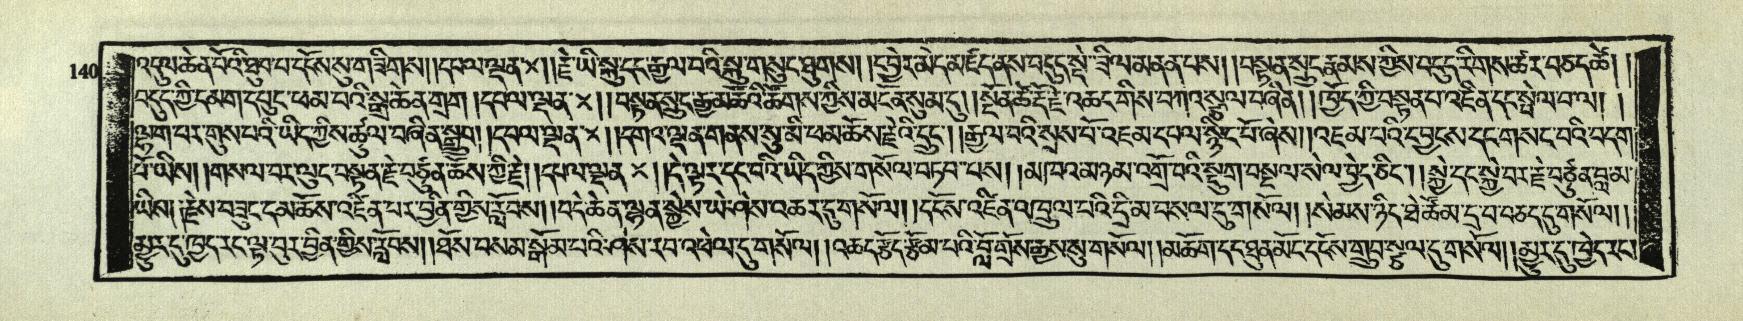འདུལ་ཆེན་པོའི་ཐུབ་པ་དངོས་སུ་གཟིགས། །དཔལ་ལྡན་྾། །རྗེ་ཡི་སྐུ་དང་རྒྱལ་བའི་སྐུ་གསུང་ཐུགས། །དབྱེར་མེད་མཛད་ནས་བདུད་སྡེ་ཟིལ་མནན་པས། །བསྟན་སྲུང་རྣམས་ཀྱིས་བདུད་རིགས་ཚར་བཅད་ཚེ། །
བདུད་ཀྱི་དམག་དཔུང་ཕམ་པའི་སྒྲ་ཆེན་གྲག །དཔལ་ལྡན་྾། །བསྟན་སྲུང་རྒྱ་མཚོའི་ཚོགས་ཀྱིས་མངོན་སུམ་དུ། །སྔོན་ཚེ་རྡོ་རྗེ་འཆང་གིས་བཀའ་སྩལ་བཞིན། །ཁྱོད་ཀྱི་བསྟན་པ་འཛིན་དང་སྤེལ་བ་ལ། །
ལྷག་པར་གུས་པའི་ཡིད་ཀྱིས་ཚུལ་བཞིན་སྒྲུབ། །དཔལ་ལྡན་྾། །དགའ་ལྡན་གནས་སུ་མི་ཕམ་ཆོས་རྗེའི་དྲུང་། །རྒྱལ་བའི་སྲས་པོ་འཇམ་དཔལ་སྙིང་པོ་ཞེས། །འཇམ་པའི་དབྱངས་དང་གསང་བའི་བདག་
པོ་ཡིས། །གསལ་བར་ལུང་བསྟན་རྗེ་བཙུན་ཆོས་ཀྱི་རྗེ། །དཔལ་ལྡན་྾། །དེ་ལྟར་དང་བའི་ཡིད་ཀྱིས་གསོལ་བཏབ་པས། །མཁའ་མཉམ་འགྲོ་བའི་སྡུག་བསྔལ་སེལ་བྱེད་ཅིང་། །སྐྱེ་དང་སྐྱེ་བར་རྗེ་བཙུན་བླ་མ་
ཡིས། ༑རྗེས་བཟུང་དམ་ཆོས་འཛིན་པར་བྱིན་གྱིས་རློབས། །བདེ་ཆེན་ལྷན་སྐྱེས་ཡེ་ཤེས་འཆར་དུ་གསོལ། །དངོས་འཛིན་འཁྲུལ་པའི་དྲི་མ་བསལ་དུ་གསོལ། །སེམས་ཉིད་ཐེ་ཚོམ་དྲ་བ་བཅད་དུ་གསོལ། །
མྱུར་དུ་ཁྱད་རང་ལྟ་བུར་བྱིན་གྱིས་རློབས། །ཐོས་བསམ་སྒོམ་པའི་ཤེས་རབ་འཕེལ་དུ་གསོལ། །འཆད་རྩོད་རྩོམ་པའི་བློ་གྲོས་རྒྱལ་སུ་གསོལ། །མཆོག་དང་ཐུན་མོང་དངོས་གྲུབ་སྩལ་དུ་གསོལ། །མྱུར་དུ་ཁྱེད་རང་།